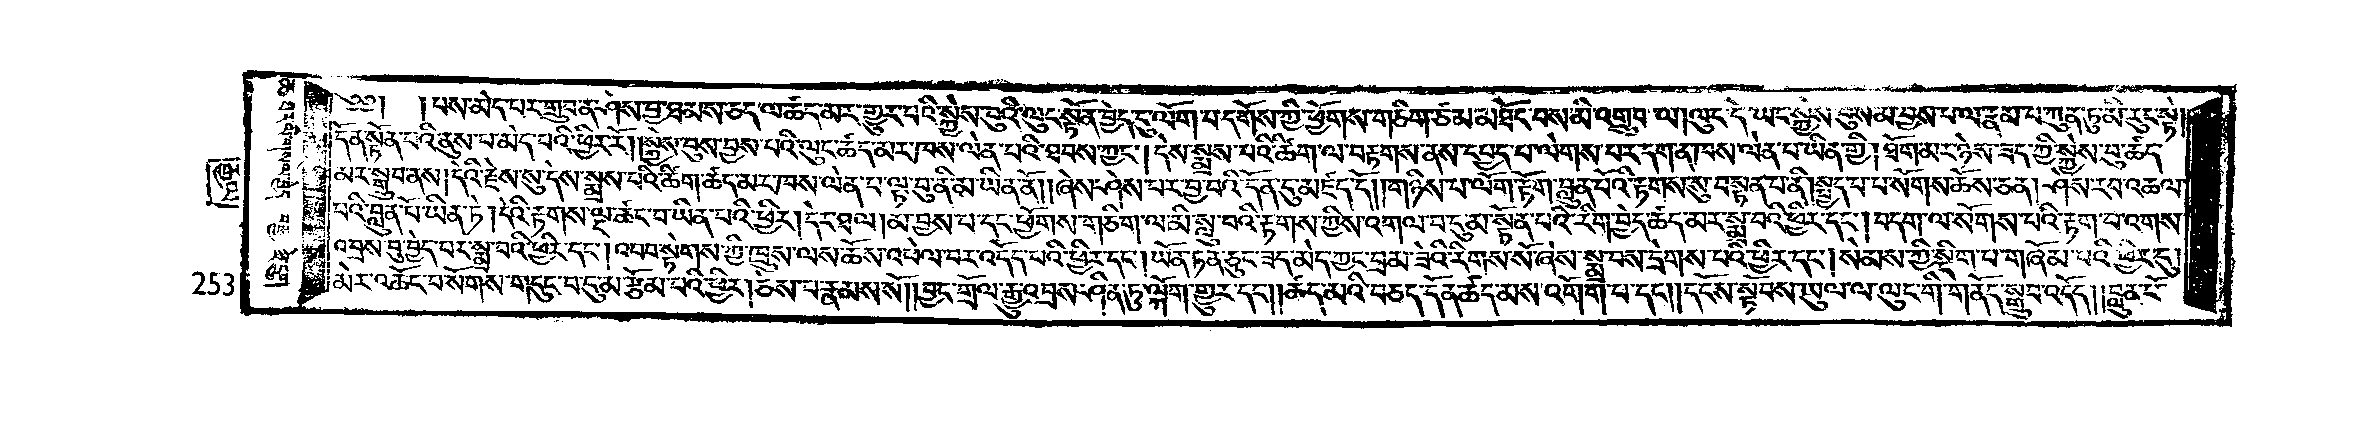༄༅། །པས་མེད་པར་གྲུབ་ན་ཤེས་བྱ་ཐམས་ཅད་ལ་ཚད་མར་གྱུར་པའི་སྐྱེས་བུའི་ལུང་སྟོན་བྱེད་དུ་ལོག་པ་དགོས་ཀྱི་ཕྱོགས་གཅིག་ཙམ་མཐོང་བས་མི་འགྲུབ་ལ། ལུང་དེ་ཡང་སྐྱེས་བུས་མ་བྱས་པ་ལ་རྣམ་པ་ཀུན་ཏུ་མི་རུང་སྟེ།
དོན་སྟོན་པའི་ནུས་པ་མེད་པའི་ཕྱིར་རོ། །སྐྱེས་བུས་བྱས་པའི་ལུང་ཚད་མར་ཁས་ལེན་པའི་ཐབས་ཀྱང་། དེས་སྨྲས་པའི་ཚིག་ལ་བརྟགས་ནས་དཔྱད་པ་ལེགས་པར་དག་ན་ཁས་ལེན་པ་ཡིན་གྱི། ཐོག་མར་ཉེས་ཟད་ཀྱི་སྐྱེས་བུ་ཚད་
མར་སྒྲུབ་ནས། དེའི་རྗེས་སུ་དེས་སྨྲས་པའི་ཚིག་ཚད་མར་ཁས་ལེན་པ་ལྟ་བུ་ནི་མ་ཡིན་ནོ། །ཞེས་ཤེས་པར་བྱ་བའི་དོན་དུ་མཛད་དོ། །གཉིས་པ་ལོག་རྟོག་བླུན་པོའི་རྟགས་སུ་བསྟན་པ་ནི། སྤྱད་པ་པོ་སོགས་ཆོས་ཅན། ཤེས་རབ་འཆལ་
པའི་བླུན་པོ་ཡིན་ཏེ། དེའི་རྟགས་ལྔ་ཚང་བ་ཡིན་པའི་ཕྱིར། དེར་ཐལ། མ་བྱས་པ་དང་ཕྱོགས་གཅིག་ལ་མི་སླུ་བའི་རྟགས་ཀྱིས་འགལ་བ་དུ་མ་སྟོན་པའི་རིག་བྱེད་ཚད་མར་སྨྲ་བའི་ཕྱིར་དང་། བདག་ལ་སོགས་པའི་རྟག་པ་འགས་
འབྲས་བུ་བྱེད་པར་སྨྲ་བའི་ཕྱིར་དང་། འབབ་སྟེགས་ཀྱི་ཁྲུས་ལས་ཆོས་འཕེལ་བར་འདོད་པའི་ཕྱིར་དང་། ཡོན་ཏན་ཅུང་ཟད་མེད་ཀྱང་བྲམ་ཟེའི་རིགས་སོ་ཞེས་སྨྲ་བས་དྲེགས་པའི་ཕྱིར་དང་། སེམས་ཀྱི་སྡིག་པ་གཞོམ་པའི་ཕྱིར་དུ།
མེར་འཆོང་བ་སོགས་གདུང་བ་དུ་མ་རྩོམ་པའི་ཕྱིར། ཅེས་པ་རྣམས་སོ། །བྱང་གྲོལ་རྒྱུ་འབྲས་ཤིན་ཏུ་ལྐོག་གྱུར་དང་། །ཚད་མའི་བཅད་དོན་ཚད་མས་འགོག་པ་དང་། །དངོས་སྟོབས་ཡུལ་ལ་ལུང་གི་གནོད་སྒྲུབ་འདོད། །བླུན་པོ་